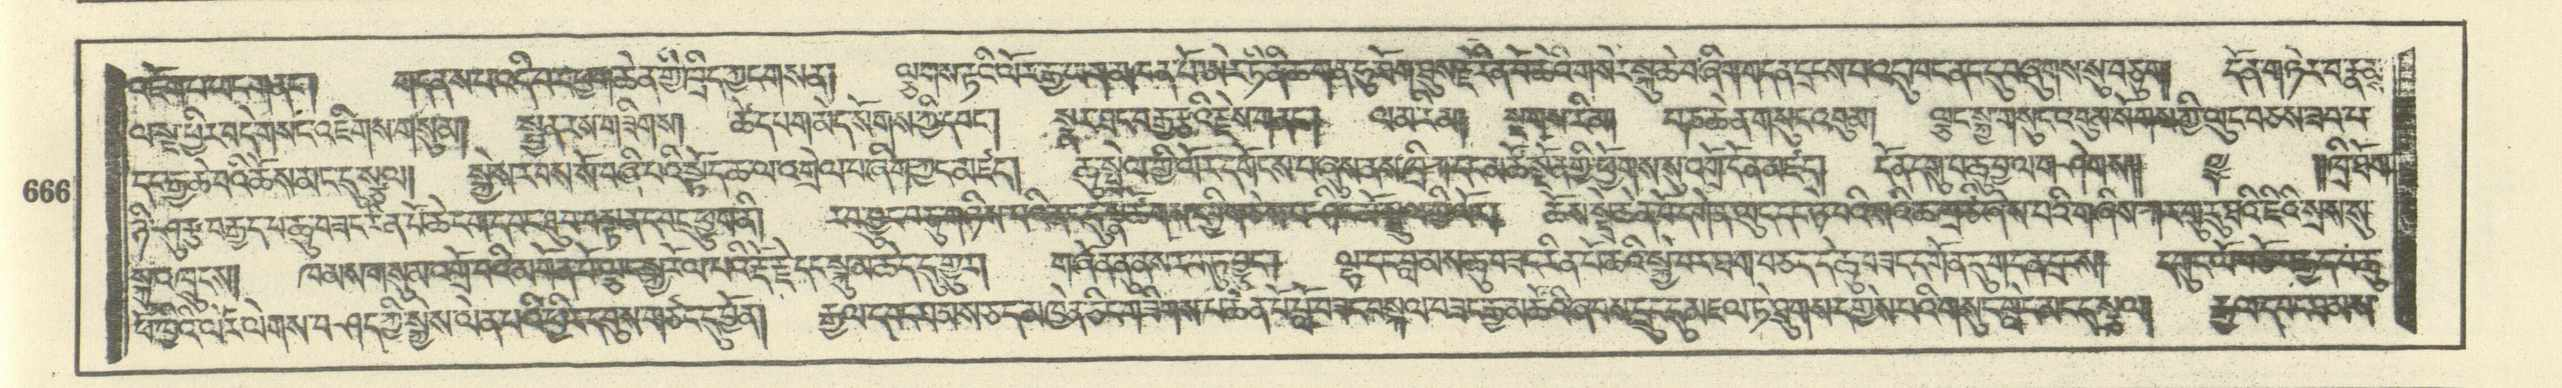འཇོག་པ་ཡང་གནང་། གདན་ས་པ་འདི་བར་ཕྱག་ཆེན་གྱི་ཁྲིད་ཀྱང་གསན། ལྕགས་རྟའི་ལོར་རྒྱ་ཡག་མཁན་པོ་ཨེར་ཏི་ནི་ཆ་གན་ཧུ་ཐོག་ཐུས་རྗེ་རིན་པོ་ཆེའི་གསེར་སྐུ་ཆེ་བ་ཞིག་གདན་དྲངས་པ་འདུ་ཁང་ནང་དུ་བཞུགས་སུ་བཅུག། དོན་གཉེར་བ་རྣམས་
ལ་སྔ་ཕྱིར་བདེ་གསང་འཇིགས་གསུམ། སྤྱན་རས་གཟིགས། ཚེ་དཔག་མེད་སོགས་ཀྱི་དབང་། སྣར་ཐང་བརྒྱ་རྩའི་རྗེས་གནང་། ལམ་རིམ། སྔགས་རིམ། པཎ་ཆེན་གསུང་འབུམ། ལྕང་སྐྱ་གསུང་འབུམ་སོགས་ཀྱི་ལུང་བཅས་ཟབ་པ་
དང་རྒྱ་ཆེ་བའི་ཆོས་མང་དུ་སྩལ། སྐྱེས་རབས་སོ་བཞི་པའི་སྟོད་ཆ་ལ་འགྲེལ་བ་ཞིག་ཀྱང་མཛད། ཆུ་སྤྲེལ་གྱི་ལོར་དགོངས་བ་ཞུས་ནས་ཁྲི་ཀ་དང་མཚོ་སྔོན་གྱི་ཕྱོགས་སུ་འགྲོ་དོན་མཛད། དོན་དགུ་པ་ཆུ་བྱ་ལ་གཤེགས།། ༈ །།ཁྲི་ཐོག་
ཉི་ཤུ་རྩ་བརྒྱད་པ་ཆུ་བཟང་རིན་པོ་ཆེ་ངག་དབང་ཐུབ་བསྟན་དབང་ཕྱུག་ནི། རབ་བྱུང་བཅུ་གཉིས་པའི་ནང་དུ་སྣ་ཚོགས་དབྱིག་ཅེས་པ་ཤིང་མོ་སྤྲུལ་གྱི་ལོར། ཆོས་སྡེ་ཆེན་པོ་དགེ་ན་ལུང་དང་ཉེ་བའི་སའི་ཆ་ཁྲ་ཅི་ཞེས་པའི་གཞིས་ཀར་གུ་རུ་ཐའི་ཇིའི་སྲས་སུ་
སྐུ་འཁྲུངས། ཁམས་གསུམ་འགྲོ་བའི་མགོན་པོ་ལྕང་སྐྱ་རོལ་པའི་རྡོ་རྗེ་དང་སྐུ་མཆེད་དུ་གྱུར། གཞོན་ནུ་ནས་རབ་ཏུ་བྱུང་། ལྷ་དང་བླ་མས་ཆུ་བཟང་རིན་པོ་ཆེའི་སྐྱེ་བར་ཐག་བཅད་དེ་ཆུ་བཟང་དགོན་དུ་གདན་དྲངས། དགུང་ལོ་བཅོ་བརྒྱད་པ་ཆུ་
ཕོ་ཁྱིའི་ལོར་ལེགས་བཤད་ཀྱི་སྐྱེས་ལེན་པའི་ཕྱིར་དབུས་གཙང་དུ་བྱོན། རྒྱལ་དབང་ཐམས་ཅད་མཁྱེན་ཅིང་གཟིགས་པ་ཆེན་པོ་བློ་བཟང་བསྐལ་བཟང་རྒྱ་མཚོའི་ཞབས་དྲུང་དུ་མཇལ་ཏེ་ཐུགས་དགྱེས་པའི་གསུང་གླེང་མང་དུ་སྩལ། རྒྱལ་དབང་ཐམས་